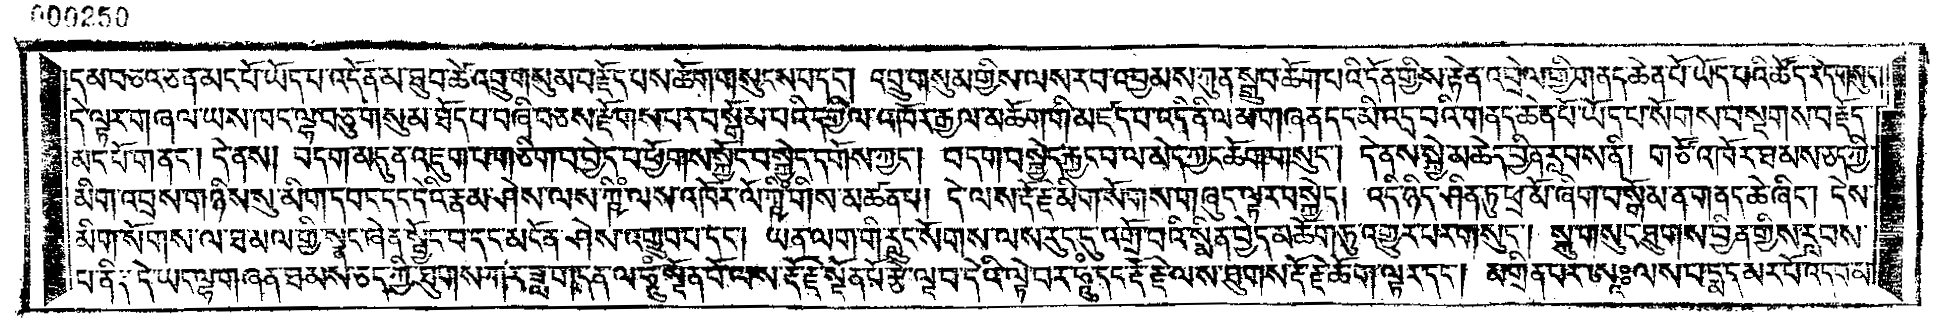དམ་བཅའ་ཅན་མང་པོ་ཡོད་པ་འདོན་མ་ཐུབ་ཚེ་འབྲུ་གསུམ་བརྗོད་པས་ཆོག་གསུངས་པ་དང་། འབྲུ་གསུམ་གྱིས་ལས་རབ་འབྱམས་ཀུན་སྒྲུབ་ཆོག་པའི་དོན་གྱིས་རྟེན་འབྲེལ་གྱི་གནད་ཆེན་པོ་ཡོད་པའི་ཚོད་རེད་གསུང་།
དེ་ལྟར་གཞལ་ཡས་ཁང་ལྷ་བཅུ་གསུམ་ཐོད་པ་བཞི་བཅས་རྫོགས་པར་བསྒོམ་པའི་དཀྱིལ་འཁོར་རྒྱལ་མཆོག་གི་མཛད་པ་འདི་ནི་ལམ་གཞན་དང་མི་འདྲ་བའི་གནད་ཆེན་པོ་ཡོད་པ་སོགས་བསྔགས་བརྗོད་
མང་པོ་གནང་། དེ་ནས། བདག་མདུན་འཇུག་པ་གཅིག་པ་བྱེད་པ་ཕྱོགས་སྐྱོང་བསྐྱེད་དགོས་ཀྱང་། བདག་བསྐྱེད་རྐྱང་བ་ལ་མེད་ཀྱང་ཆོག་གསུང་། དེ་ནས་སྐྱེ་མཆེད་བྱིན་རླབས་ནི། གཙོ་འཁོར་ཐམས་ཅད་ཀྱི་
མིག་འབྲས་གཉིས་སུ་མིག་དབང་དང་དེའི་རྣམ་ཤེས་ལས་ཀྵིཾ་ལས་འཁོར་ལོ་ཀྵིཾ་གིས་མཚན་པ། དེ་ལས་རྡོ་རྗེ་མིག་སོགས་གཞུང་ལྟར་བསྐྱེད། འདི་ཉིད་ཤིན་ཏུ་ཕྲ་མོ་ཞིག་བསྒོམ་ན་གནད་ཆེ་ཞིང་། དེས་
མིག་སོགས་ལ་ཐ་མལ་གྱི་སྣང་ཞེན་སྦྱོང་བ་དང་མངོན་ཤེས་འགྲུབ་པ་དང་། ཡན་ལག་གི་རླུང་སོགས་ལས་རུང་དུ་འགྲོ་བའི་སྨིན་བྱེད་མཆོག་ཏུ་འགྱུར་པར་གསུང་། སྐུ་གསུང་ཐུགས་བྱིན་གྱིས་རླབས་
པ་ནི། དེ་ཡང་ལྷ་གཞན་ཐམས་ཅད་ཀྱི་ཐུགས་ཀར་ཟླ་གདན་ལ་ཧཱུཾ་སྔོན་པོ་ལས་རྡོ་རྗེ་སྔོན་པོ་རྩེ་ལྔ་བ་དེའི་ལྟེ་བར་ཧཱུཾ་དང་རྡོ་རྗེ་ལས་ཐུགས་རྡོ་རྗེ་ཆོ་ག་ལྟར་དང་། མགྲིན་པར་ཨཱཿ ལས་པདམ་དམར་པོ་འདབ་མ་